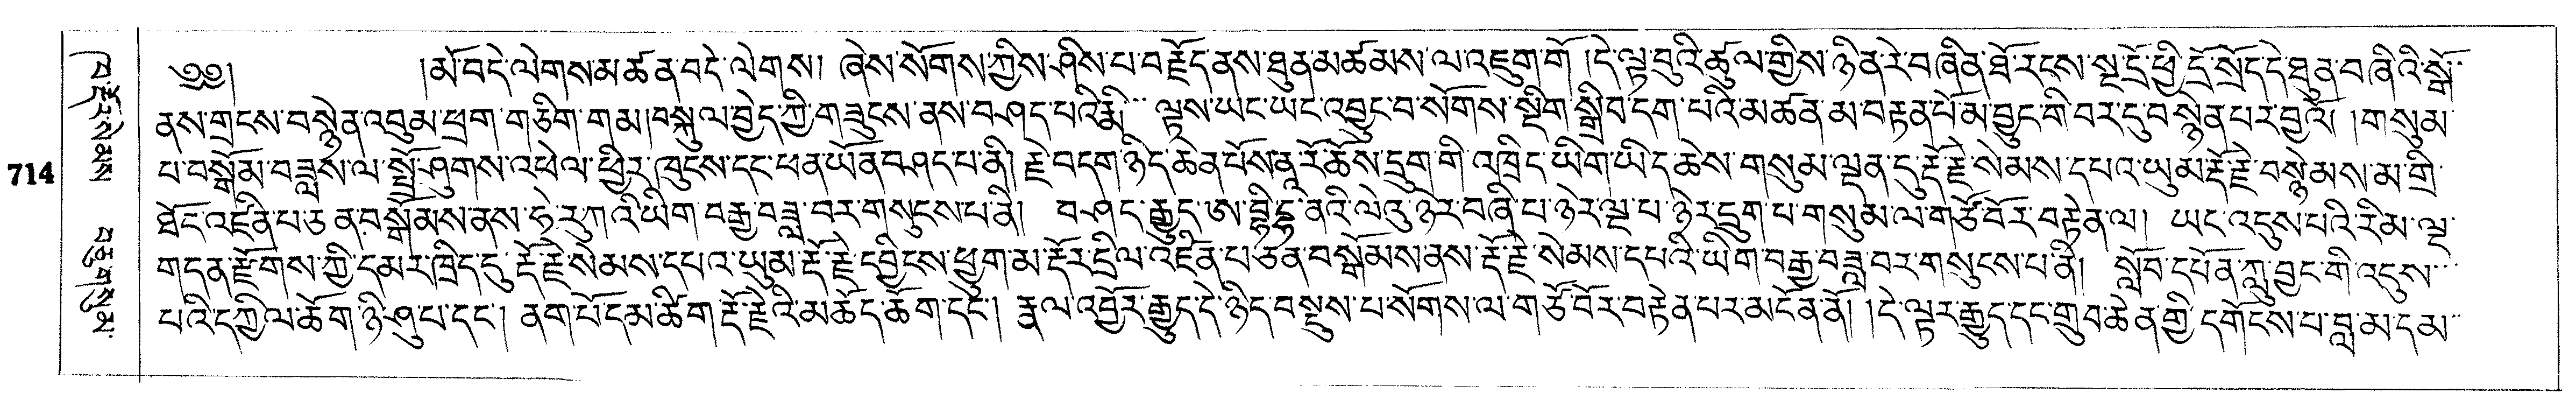༄༅། །མོ་བདེ་ལེགས་མཚན་བདེ་ལེགས། ཞེས་སོགས་ཀྱིས་ཤིས་པ་བརྗོད་ནས་ཐུན་མཚམས་ལ་འཇུག་གོ །དེ་ལྟ་བུའི་ཚུལ་གྱིས་ཉིན་རེ་བཞིན་ཐོ་རངས་སྔ་དྲོ་ཕྱི་དྲོ་སྲོད་དེ་ཐུན་བཞིའི་སྒོ་
ནས་གྲངས་བསྙེན་འབུམ་ཕྲག་གཅིག་གམ། བསྐུལ་བྱེད་ཀྱི་གཟུངས་ནས་བཤད་པའི་རྨི་ལྟས་ཡང་ཡང་འབྱུང་བ་སོགས་སྡིག་སྒྲིབ་དག་པའི་མཚན་མ་བརྟན་པོ་མ་བྱུང་གི་བར་དུ་བསྙེན་པར་བྱའོ། །གསུམ་
པ་བསྒོམ་བཟླས་ལ་སྤྲོ་ཤུགས་འཕེལ་ཕྱིར་ཁུངས་དང་ཕན་ཡོན་བཤད་པ་ནི། རྗེ་བདག་ཉིད་ཆེན་པོས་ནཱ་རོ་ཆོས་དྲུག་གི་འཁྲིད་ཡིག་ཡིད་ཆེས་གསུམ་ལྡན་དུ་རྡོ་རྗེ་སེམས་དཔའ་ཡུམ་རྡོ་རྗེ་བསྙེམས་མ་གྲི་
ཐོད་འཛིན་པ་ཅན་བསྒོམས་ནས་ཧེ་རུ་ཀའི་ཡིག་བརྒྱ་བཟླ་བར་གསུངས་པ་ནི། བཤད་རྒྱུད་ཨ་བྷི་དྷ་ནའི་ལེའུ་ཉེར་བཞི་པ་ཉེར་ལྔ་པ་ཉེར་དྲུག་པ་གསུམ་ལ་གཙོ་བོར་བརྟེན་ལ། ཡང་འདུས་པའི་རིམ་ལྔ་
གདན་རྫོགས་ཀྱི་དམར་ཁྲིད་དུ་རྡོ་རྗེ་སེམས་དཔའ་ཡུམ་རྡོ་རྗེ་དབྱིངས་ཕྱུག་མ་རྡོར་དྲིལ་འཛིན་པ་ཅན་བསྒོམས་ནས་རྡོ་རྗེ་སེམས་དཔའི་ཡིག་བརྒྱ་བཟླ་བར་གསུངས་པ་ནི། སློབ་དཔོན་ཀླུ་བྱང་གི་འདུས་
པའི་དཀྱིལ་ཆོག་ཉི་ཤུ་པ་དང་། ནག་པོ་དམ་ཚིག་རྡོ་རྗེའི་མཆོད་ཆོག་དང་། རྣལ་འབྱོར་རྒྱུད་དེ་ཉིད་བསྡུས་པ་སོགས་ལ་གཙོ་བོར་བརྟེན་པར་མངོན་ནོ། །དེ་ལྟར་རྒྱུད་དང་གྲུབ་ཆེན་གྱི་དགོངས་པ་བླ་མ་དམ་